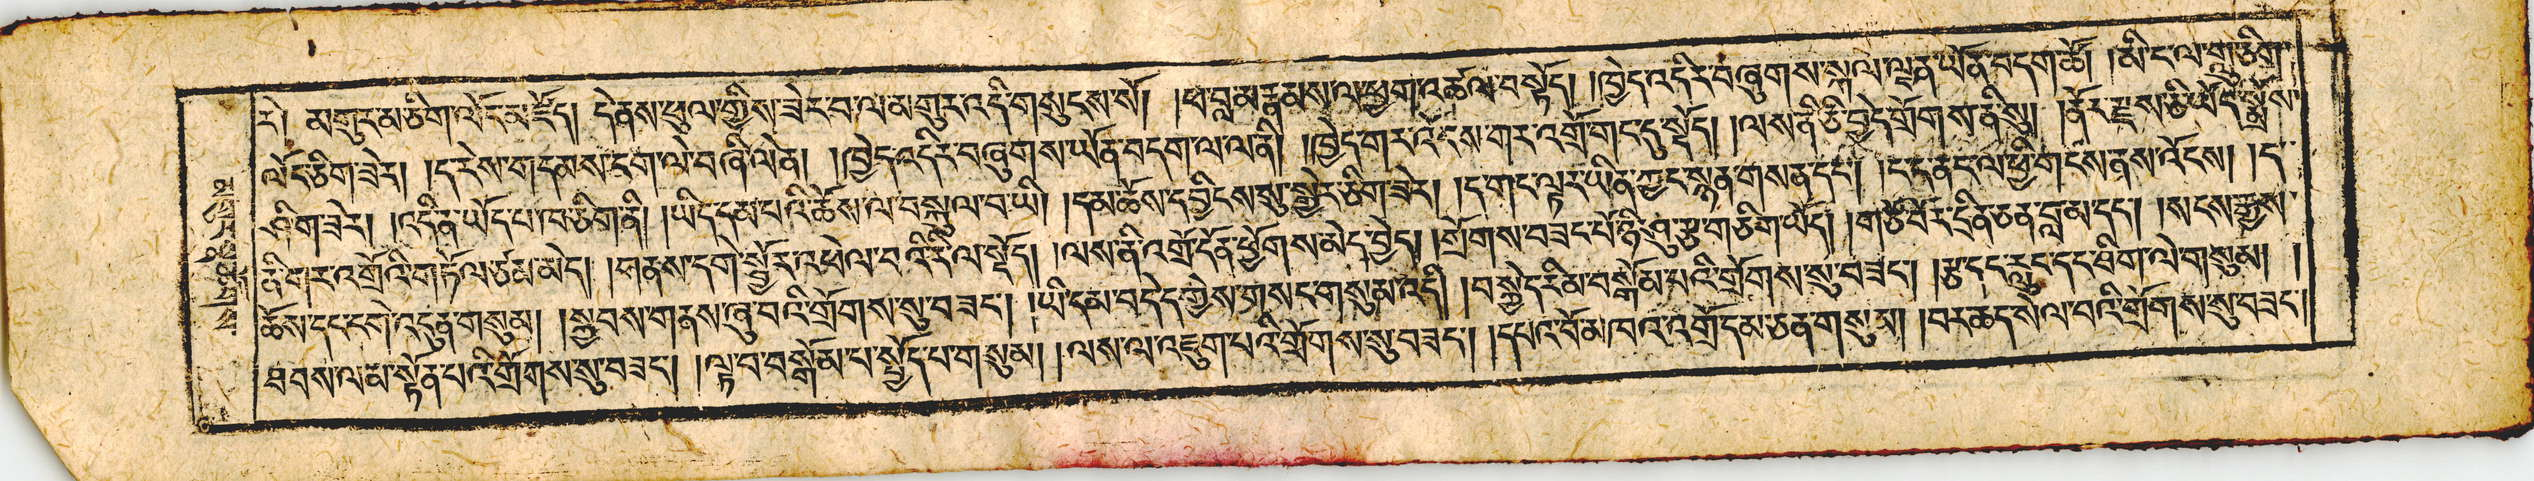རེ། ་མགུར་མ་ཅིག་ལོངས་མཛོད། དེ་ནས་ཕུལ་གྱིས་ཟེར་བ་ལ་མགུར་འདི་གསུངས་སོ། །ཕ་བླ་མ་རྣམས་ལ་ཕྱག་འཚལ་བསྟོད། །ཁྱེད་འདིར་བཞུགས་སྐལ་ལྡན་ཡོན་བདག་ཚོ། །མི་ང་ལ་གླུ་ཅིག་
ལོང་ཅིག་ཟེར། །ད་རེས་གདམས་ངག་ལེ་བཞི་ལེན། །ཁྱེད་འདིར་བཞུགས་ཡོན་བདག་ལ་ལ་ནི། །ཁྱེད་གར་འོངས་གར་འགྲོ་གང་དུ་སྡོད། །ལས་ནི་ཅི་བྱེད་གྲོགས་ནི་སུ། །ནོར་རྫས་ཅི་ཡོད་སྨྲོས་
ཤིག་ཟེར། །འདི་ན་ཡོད་པ་བ་ཅིག་ནི། །ཡིད་དམ་པའི་ཆོས་ལ་བསྐུལ་བ་ཡི། །དམ་ཆོས་དབྱིངས་སུ་གྱུར་ཅིག་ཟེར། །ད་གང་ལྟར་ཡིན་ཀྱང་སྙན་གསན་དང་། །ང་ད་ནང་ལ་ཕྱི་གངས་ནས་འོངས། །ད་
ནི་གར་འགྲོའི་གཏོལ་ཙམ་མེད། །གནས་དགེ་སྦྱོར་འཕེལ་བའི་རི་ལ་སྡོད། །ལས་ནི་འགྲོ་དོན་ཕྱོགས་མེད་བྱེད། །གྲོགས་བཟང་པོ་ཉི་ཤུ་རྩ་གཅིག་ཡོད། །གཙོ་བོར་དྲིན་ཅན་བླ་མ་དད། །སངས་རྒྱས་
ཆོས་དང་དགེ་འདུན་གསུམ། །སྐྱབས་གནས་ཞུ་བའི་གྲོགས་སུ་བཟང་། །ཡི་དམ་བདེ་དགྱེས་གསང་གསུམ་འདི། །བསྐྱེད་རིམ་བསྒོམ་པའི་གྲོགས་སུ་བཟང་། །རྩ་དང་རླུང་དང་ཐིག་ལེ་གསུམ། །
ཐབས་ལམ་སྟོན་པའི་གྲོགས་སུ་བཟང་། །ལྟ་བ་བསྒོམ་པ་སྤྱོད་པ་གསུམ། །ལས་ལ་འཇུག་པའི་གྲོགས་སུ་བཟང་། །དཔའ་བོ་མཁའ་འགྲོ་དམ་ཅན་གསུམ། །བར་ཆད་སེལ་བའི་གྲོགས་སུ་བཟང་། །